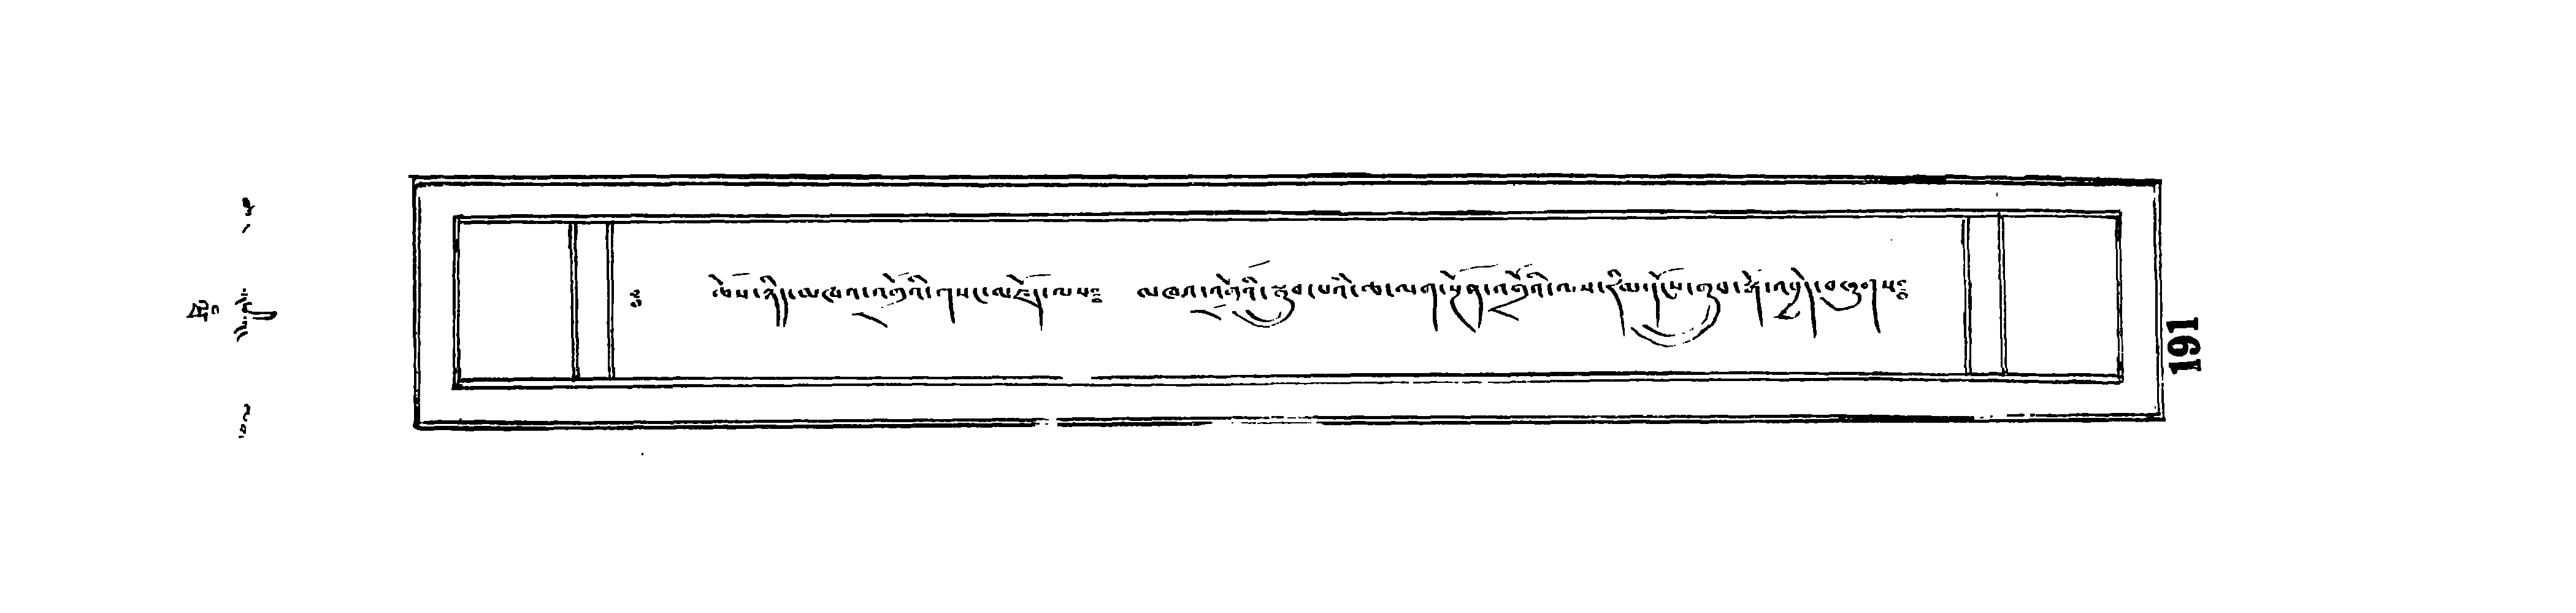ཆོས་ཉིད་མཁའ་འགྲོའི་གསང་མཛོད་ལས༔ མཁའ་འགྲོའི་སྒྲུབ་པའི་ཆ་ལག་སྔོན་འགྲོའི་ལས་རིམ་དངོས་གྲུབ་སྒོ་འབྱེད་བཞུགས༔